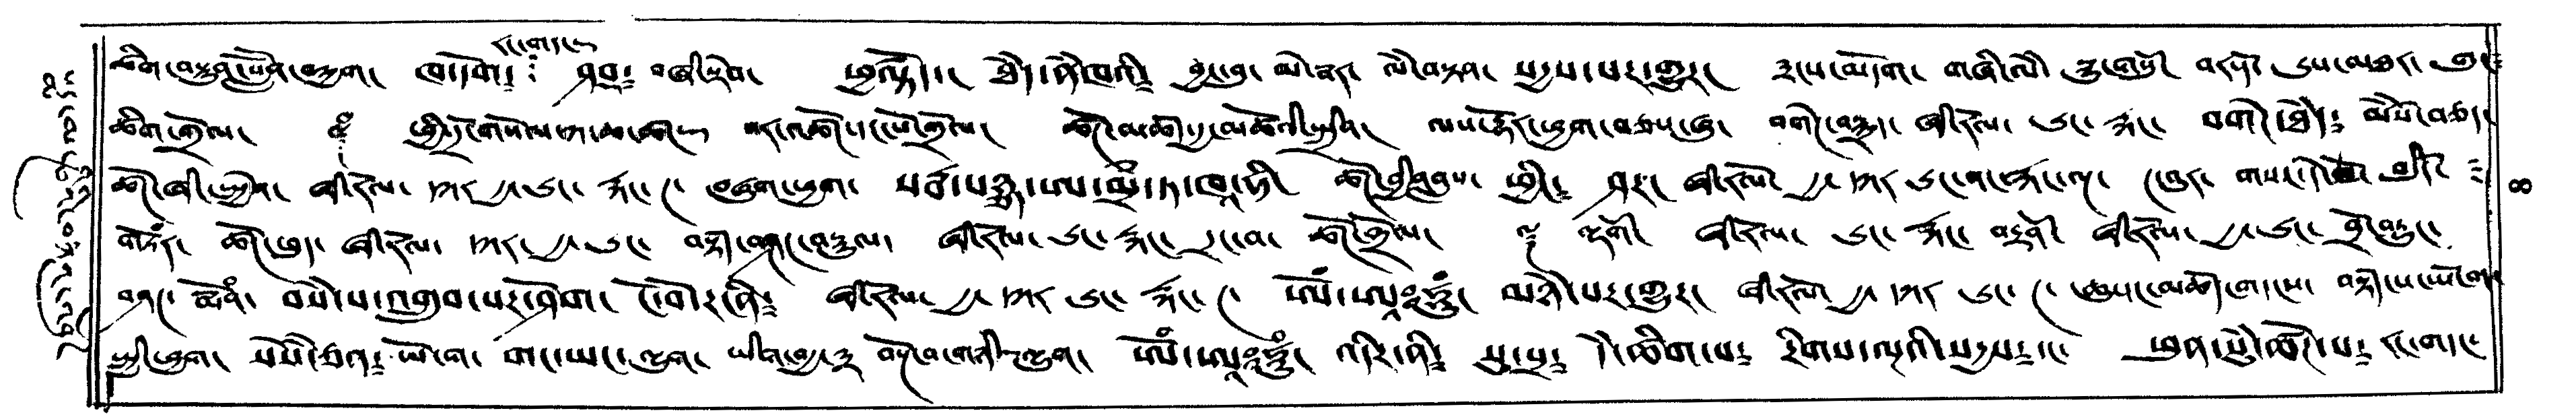ཚིག་བསྟུན་སློབ་དཔོན་བཀྱག ཁ་དོག༴ རང་གདངས། ཤབྡ༴ བཞི་བསྡེབས། ཕྱག་འཚལ་བསྟོད། ཐམས་ཅད་ནམ་མཁའི༴ བྱང་བུ་མེ་སྦར། ལམ་བསྟན། སངས་རྒྱས་པར་གྱུར། ཟངས་མདོག གཞི་ལམ། སྐུ་གསུམ། བར་དོ། དུས་མཐར། གུང་
ཚོགས་གྲོལ། ༈ ཕྱི་དྲོ་གསོལ་ཀ་ཆ་ཚང་། བར་ཚོགས་དང་པོ་གྲོལ། ཚོགས་མཆོད་རྒྱ་མཚོའི་སྤྱན་འདྲེན། ལས་རྡོར་ཕྱག་བཅས་ཞུ། བགེགས་བསྐྲད། ཞི་རོལ། དུང་། རྐང་། བགེགས་ཐམས་ཅད༴ མཚམས་བཅད་
ཚོགས་ཞིང་སྤྱེན། ཞི་རོལ། དཀར། རྒྱ། དུང་། རྐང་། ཌཱ། བཞུགས་ཕྱག སརྦ་པཉྩ་ཨ་མྲྀ་ཏ་ཁཱ་ཧི། ཚོགས་བྱིན་རླབས། ཕྱི་ནང༴ ཤར། ཞི་རོལ། རྒྱ། དཀར། དུང་ནང་རྐང་ལྔ། ཌཱ་འུར། གསང་དེ་ཁོ། བདུད་རྩི། 
གཏོར་མ། ཚོགས་ཕུད། ཞི་རོལ། དཀར། རྒྱ། དུང་། བསྟོད་བཤགས་བསྐུལ། ཞི་རོལ། དུང་། རྐང་། དྲང་བ། ཚོགས་གྲོལ། ༈ ལྷག་མ། ཞི་རོལ། དུང་། རྐང་། བརྟན་མ། ཞི་རོལ། རྒྱ། དུང་། བྲོ་བརྡུང་། 
བཤགས་པ། སྨོན་ལམ། བསམ་པ་འགྲུབ་པར་ཤོག ངོ་བོ་རང་བཞིན་ནི༴ ཞི་རོལ། རྒྱ། དཀར། དུང་། རྐང་། ཌཱ། ཨོཾ་ཨཱཿཧཱུྃ། མཉམ་པར་གྱུར། ཞི་རོལ། རྒྱ། དཀར། དུང་། ཌཱ། ཆུ་དང་མཆོད་གདངས། བསྟོད་པ་ཡོ་ག 
སྤྱི་ཕྱག སེམས་ཅན༴ ཡོ་ག་གང་ཡང་། ལྷུག ཡིག་བརྒྱ་གསུམ། བསྔོ་བ་གཉིས་ལྷུག ཨོཾ་ཨཱཿཧཱུྃ། འདིར་ནི༴ སུ་པྲ༴ དམ་ཚིག་པ༴ རིགས་ལྔའི་སངས་རྒྱས༴ དང་། ཕུན་སུམ་ཚོགས་པ༴ རང་གདངས་